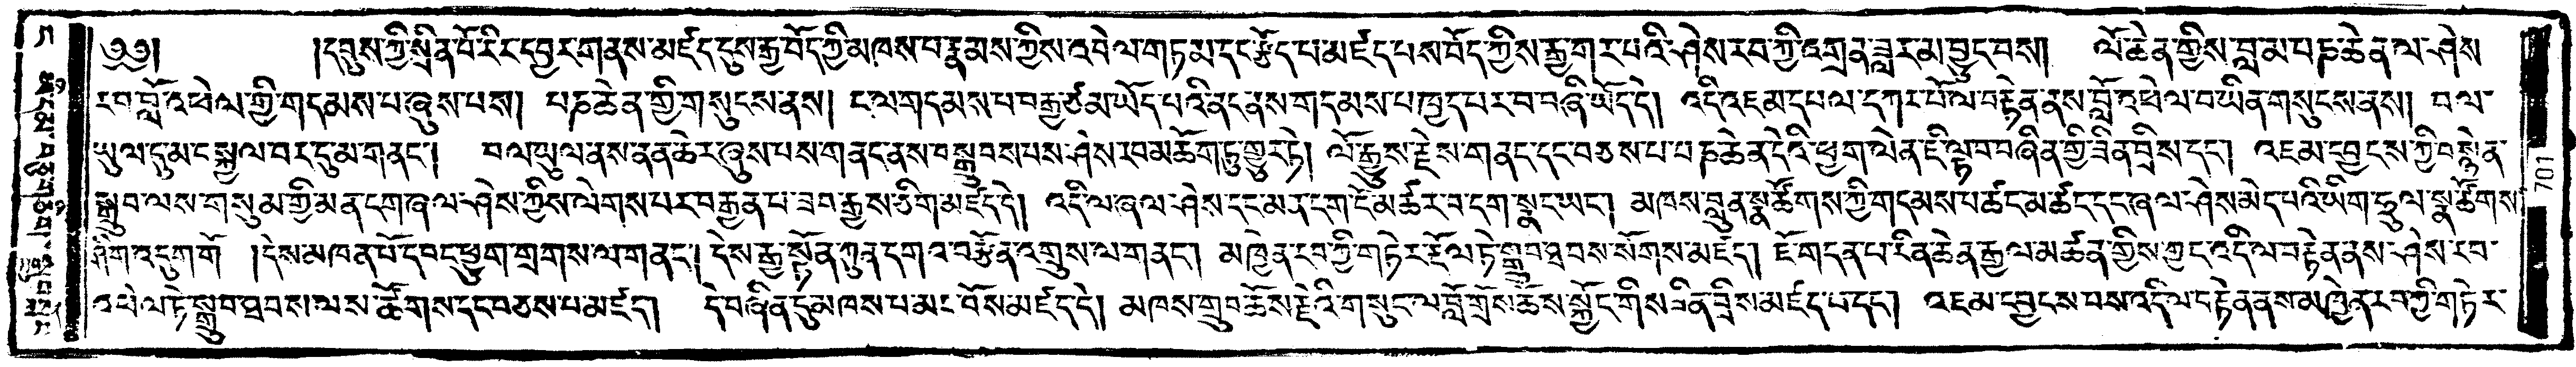༄༅། །དབུས་ཀྱི་སྲིན་པོ་རིར་དབྱར་གནས་མཛད་དུས་རྒྱ་བོད་ཀྱི་མཁས་པ་རྣམས་ཀྱིས་འབེལ་གཏམ་དང་རྩོད་པ་མཛད་པས་བོད་ཀྱིས་རྒྱ་གར་པའི་ཤེས་རབ་ཀྱི་འགྲན་ཟླར་མ་བྱུང་བས། ལོ་ཆེན་གྱིས་བླ་མ་པཎ་ཆེན་ལ་ཤེས་
རབ་བློ་འཕེལ་གྱི་གདམས་པ་ཞུས་པས། པཎ་ཆེན་གྱི་གསུངས་ནས། ང་ལ་གདམས་པ་བརྒྱ་ཙམ་ཡོད་པའི་ནང་ནས་གདམས་པ་ཁྱད་པར་བ་བཞི་ཡོད་དེ། འདི་འཇམ་དཔལ་དཀར་པོ་ལ་བརྟེན་ནས་བློ་འཕེལ་བ་ཡིན་གསུངས་ནས། བལ་
ཡུལ་དུ་མང་སྐྱལ་བར་དུ་མ་གནང་། བལ་ཡུལ་ནས་ནན་ཆེར་ཞུས་པས་གནང་ནས་བསྒྲུབས་པས་ཤེས་རབ་མཆོག་ཏུ་གྱུར་ཏེ། ལོ་རྒྱུས་རྗེས་གནང་དང་བཅས་པ་པཎ་ཆེན་དེའི་ཕྱག་ལེན་ཇི་ལྟ་བ་བཞིན་གྱི་ཟིན་བྲིས་དང་། འཇམ་དབྱངས་ཀྱི་བསྙེན་
སྒྲུབ་ལས་གསུམ་གྱི་མན་དག་ཞལ་ཤེས་ཀྱིས་ལེགས་པར་བརྒྱན་པ་ཟབ་རྒྱས་ཅིག་མཛད་དེ། འདི་ལ་ཞལ་ཤེས་དང་མན་དག་ངོ་མཚར་བ་དག་སྣང་ཡང་། མཁས་བླུན་སྣ་ཚོགས་ཀྱི་གདམས་པ་ཚང་མ་ཚད་དང་ཞལ་ཤེས་མེད་པའི་ཡིག་ཧྲུལ་སྣ་ཚོགས་
ཤིག་འདུག་གོ །དེས་མཁན་པོ་དབང་ཕྱུག་གྲགས་ལ་གནང་། དེས་རྒྱ་སྟོན་ཀུན་དགའ་བརྩོན་འགྲུས་ལ་གནང་། མཁྱེན་རབ་ཀྱི་གཏེར་རྔོལ་ཏེ་སྒྲུབ་ཐབས་སོགས་མཛད། ཇོ་གདན་པ་རིན་ཆེན་རྒྱལ་མཚན་གྱིས་ཀྱང་འདི་ལ་བརྟེན་ནས་ཤེས་རབ་
འཕེལ་ཏེ་སྒྲུབ་ཐབས་ལས་ཚོགས་དང་བཅས་བ་མཛད། དེ་བཞིན་དུ་མཁས་པ་མང་བོས་མཛད་དེ། མཁས་གྲུབ་ཆོས་རྗེའི་གསུང་ལ་བློ་གྲོས་ཆོས་སྐྱོང་གིས་ཟིན་བྲིས་མཛད་པ་དང་། འཇམ་དབྱངས་པས་འདི་ལ་བརྟེན་ནས་མཁྱེན་རབ་ཀྱི་གཏེར་